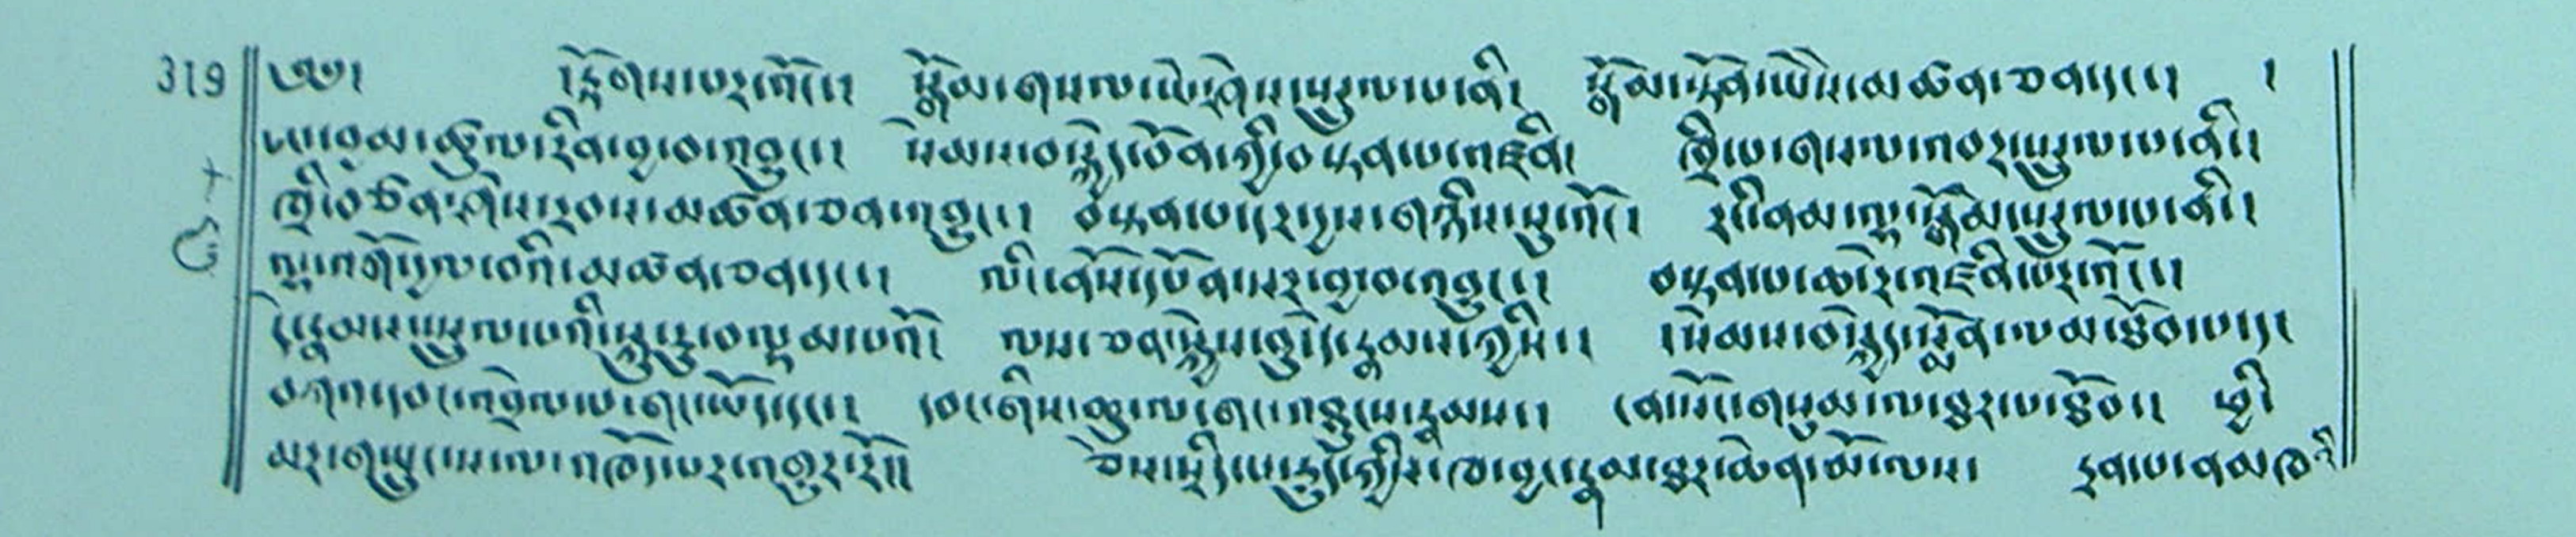༄༅། །རྟོགས་པ་འོང་། སྒོམ་གསལ་ཡེ་ཤེས་སྤྲུལ་པ་ནི། སྒོམ་སྟོན་ཡེ་ཤེས་མཚན་ཅན་དབྱུང་། 
ཨ་འབྱམས་ཚུལ་རིན་བྱ་བ་འབྱུང་། སེམས་བསྐྱེད་བོན་གྱི་བསྟན་པ་འཛིན། ཁྲི་པ་གསལ་འབར་སྤྲུལ་པ་ནི། 
ཁྲི་བཙན་ཤེས་རབ་མཚན་ཅན་འབྱུང་། བསྟན་པ་དར་རྒྱས་གཉིས་སུ་འོང་། རིང་ནམ་ལྷ་སྒོམ་སྤྲུལ་པ་ནི། 
ལྷ་མགོ་རྒྱལ་བའི་མཚན་ཅན་དང་། ལིང་ནོས་དཔོན་སར་བྱ་བ་འབྱུང་། བསྟན་པ་ཆ་རེ་འཛིན་པར་འོང་། 
དེ་རྣམས་སྤྲུལ་པའི་སྐུ་རུ་བལྟམས་པའོ། །ལས་ཅན་སྐྱེས་བུ་དེ་རྣམས་ཀྱིས། སེམས་བསྐྱེད་སྨོན་ལམ་ཐོབ་པ་དང་། 
བཀའ་དབང་འབྲེལ་བ་གང་ཡོད་རྣམས། དབང་གིས་ཆུ་ལ་གང་འཐུང་རྣམས། ངན་སོང་གསུམ་ལས་ཐར་པ་ཐོབ། ཕྱི་
མར་གཡུང་དྲུང་ས་ལ་འཁོད་པར་འགྱུར་རོ། །ཅེས་སྲིད་པ་རྒྱུད་ཀྱི་ཁ་བྱང་རྣམ་ཐར་ཆེན་མོ་ལས། དྲན་པ་ནམ་མཁའི་